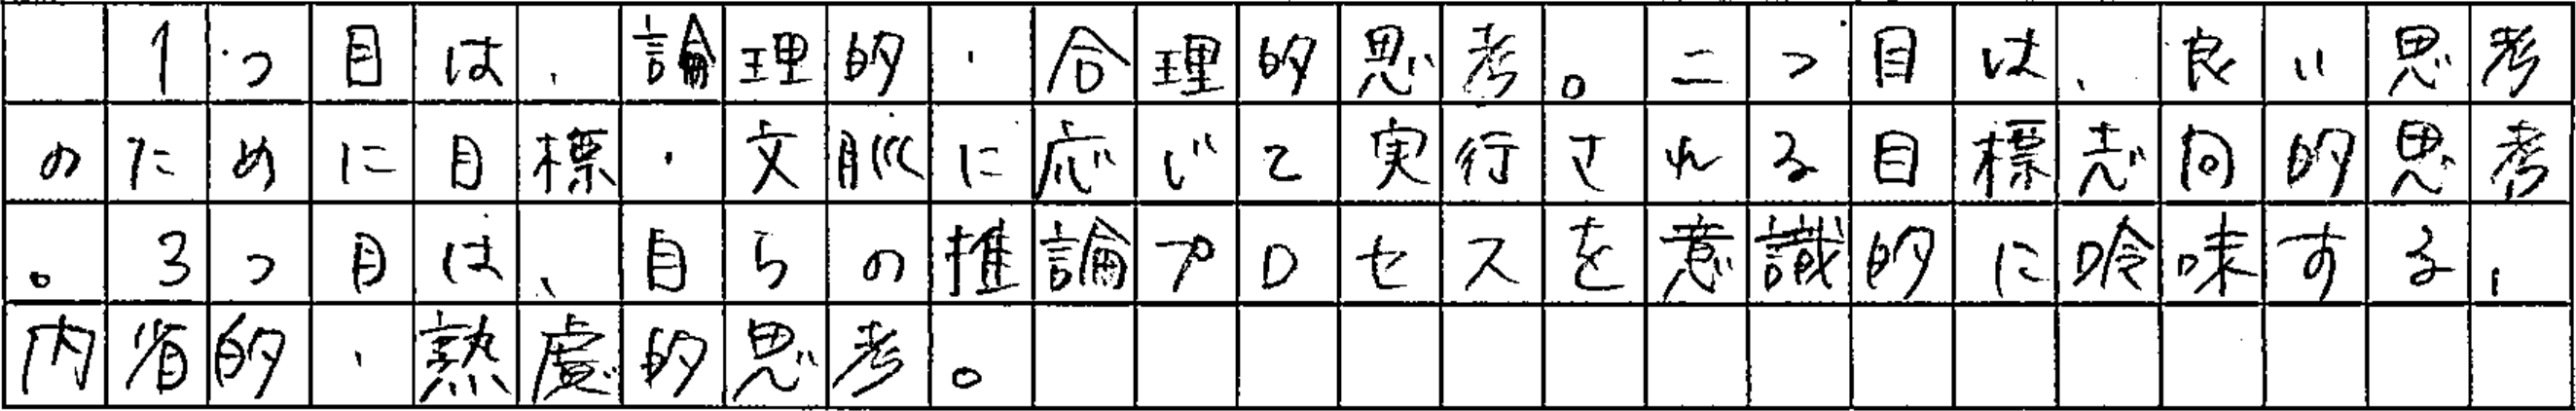　１つ目は、論理的・合理的思考。二つ目は、良い思考のために目標・文脈に応じて実行される目標志向的思考。３つ目は、自らの推論プロセスを意識的に吟味する、内省的・熟慮的思考。
